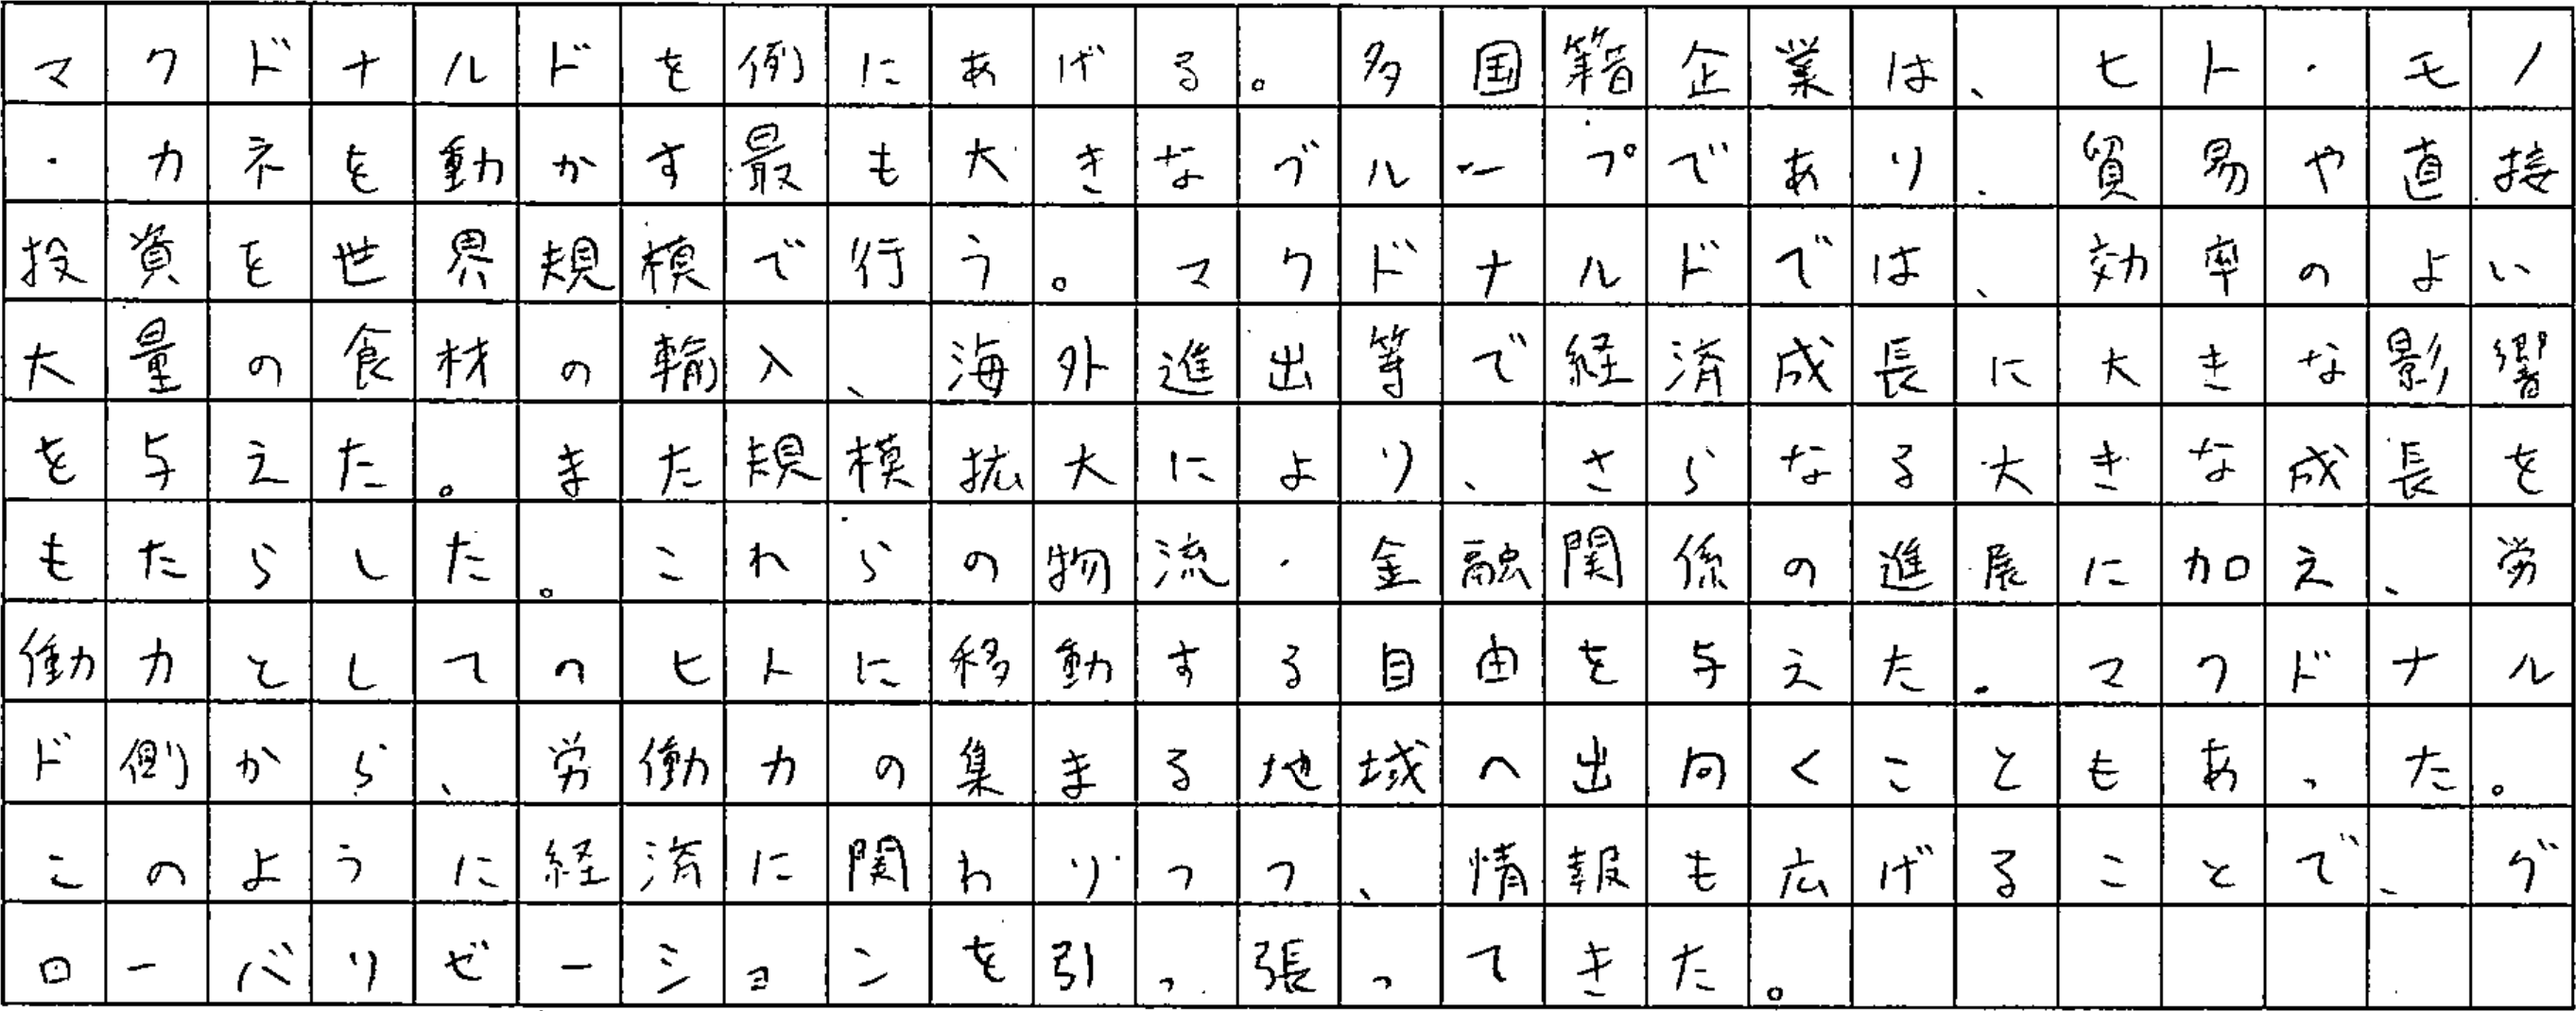マクドナルドを例にあげる。多国籍企業は、ヒト・モノ・カネを動かす最も大きなグループであり、貿易や直接投資を世界規模で行う。マクドナルドでは、効率のよい大量の食材の輸入、海外進出等で経済成長に大きな影響を与えた。また規模拡大により、さらなる大きな成長をもたらした。これらの物流・金融関係の進展に加え、労働力としてのヒトに移動する自由を与えた。マクドナルド側から、労働力の集まる地域へ出向くこともあった。このように経済に関わりつつ、情報も広げることで、グローバリゼーションを引っ張ってきた。
